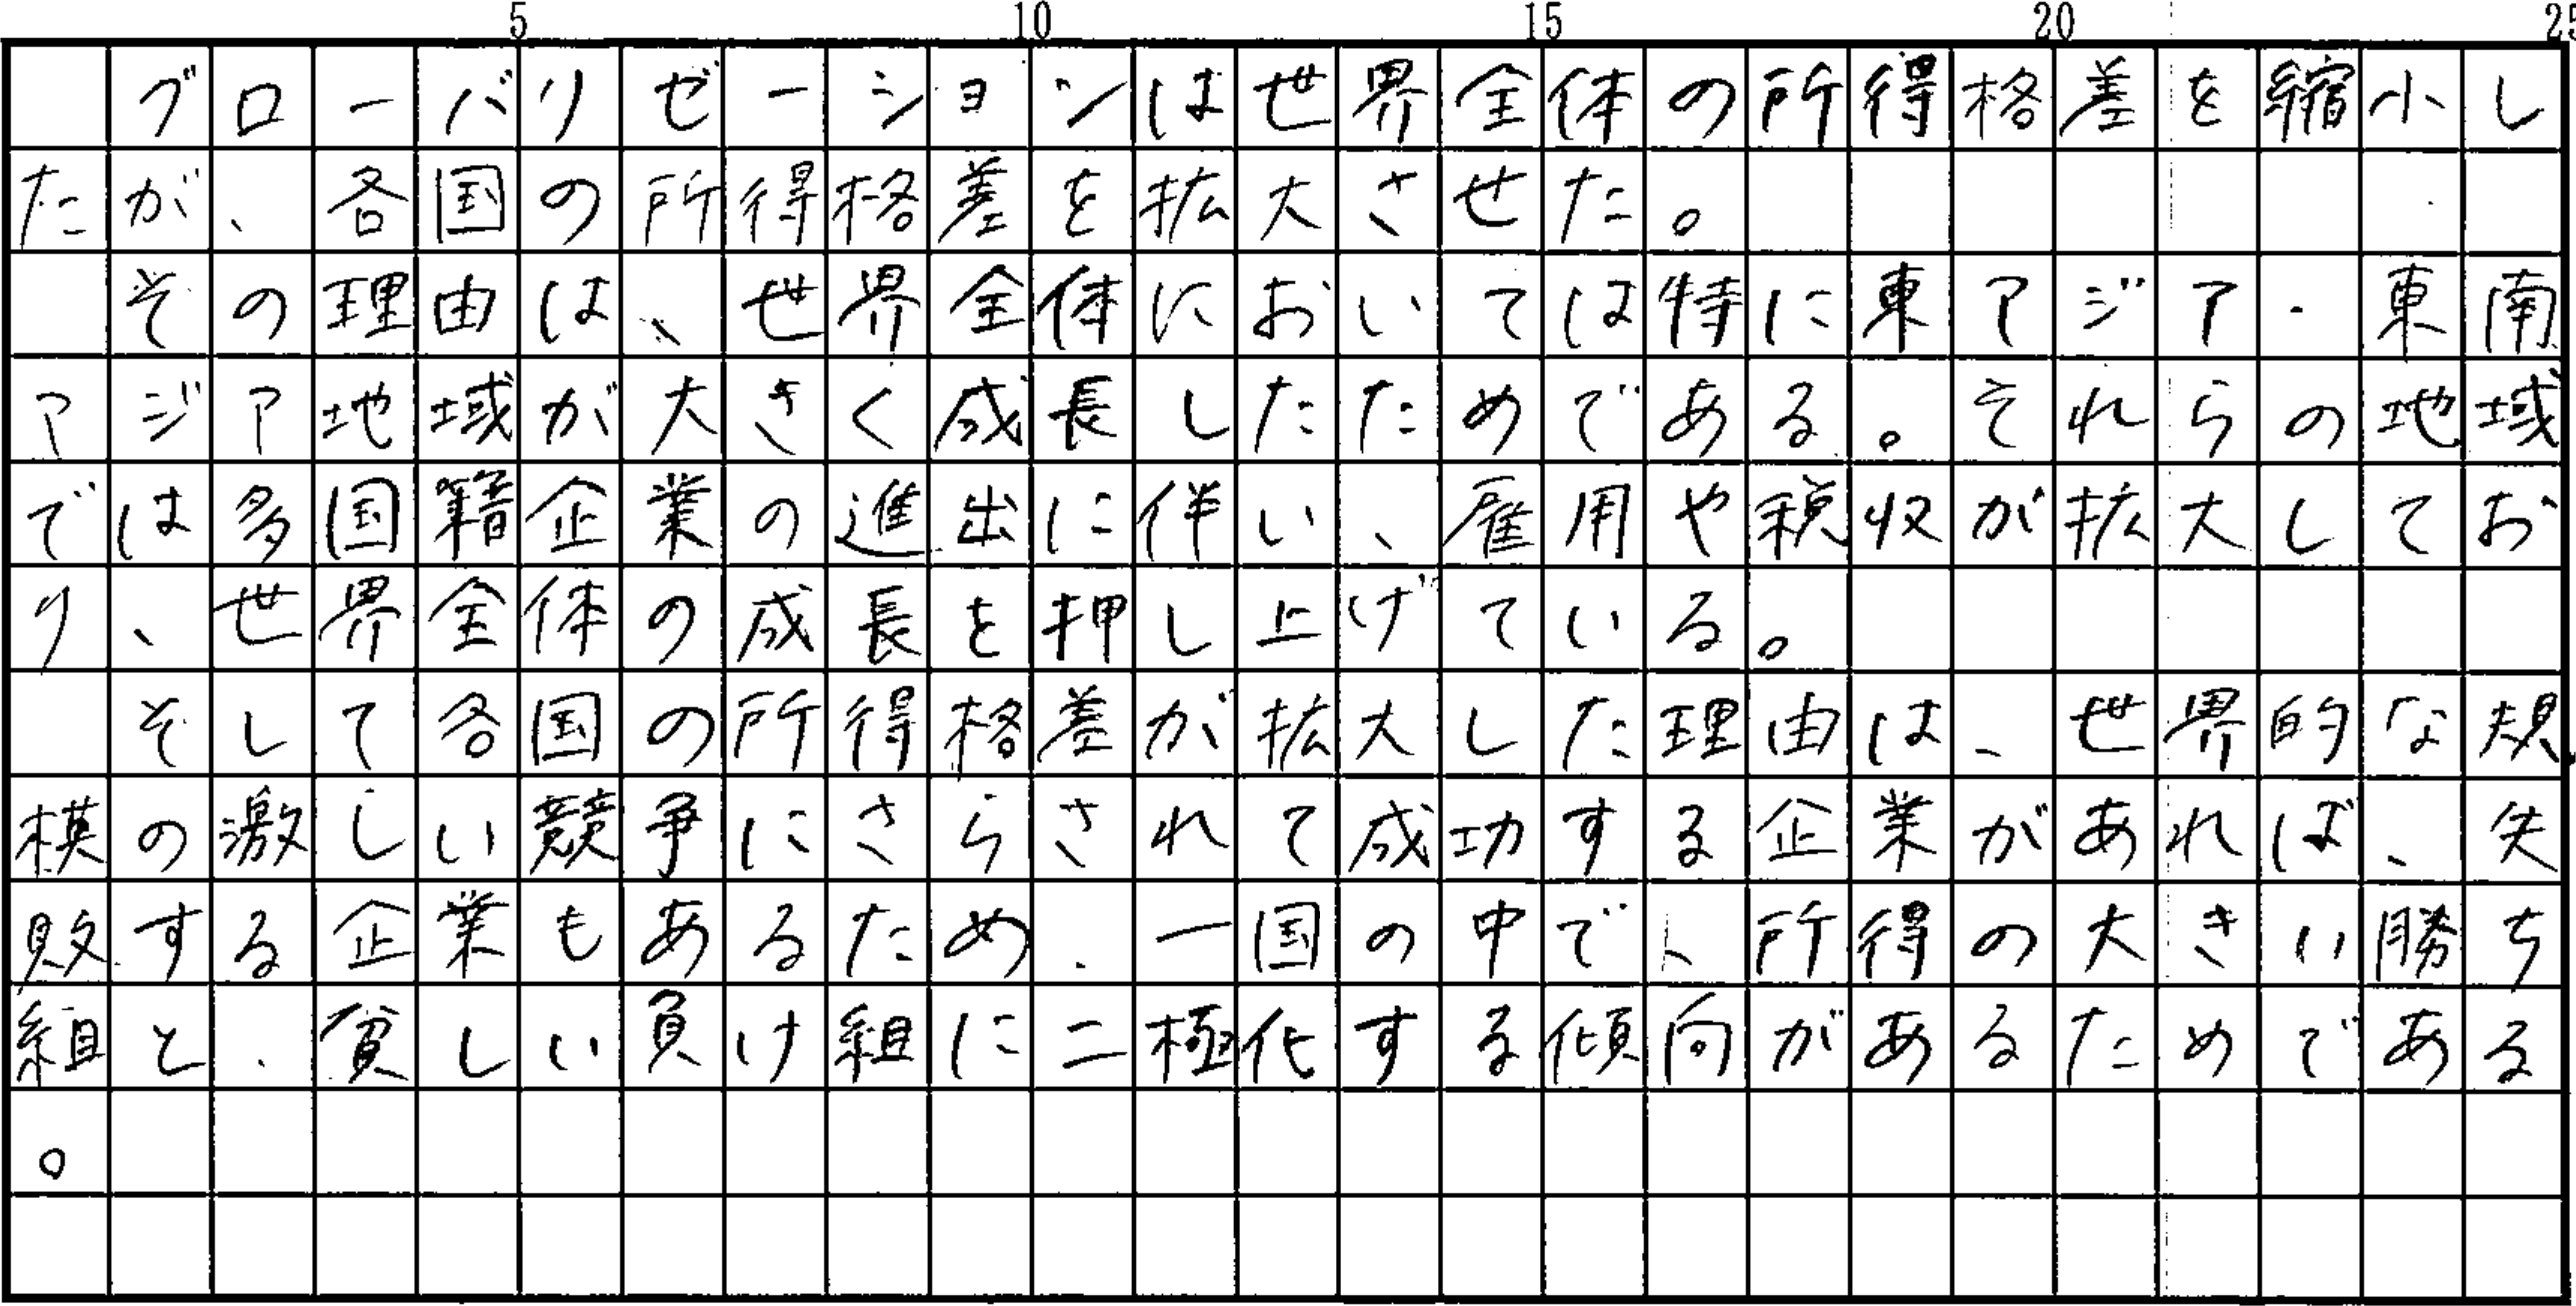　グローバリゼーションは世界全体の所得格差を縮小したが、各国の所得格差を拡大させた。
　その理由は、世界全体においては特に東アジア・東南アジア地域が大きく成長したためである。それらの地域では多国籍企業の進出に伴い、雇用や税収が拡大しており、世界全体の成長を押し上げている。
　そして各国の所得格差が拡大した理由は、世界的な規模の激しい競争にさらされて成功する企業があれば、失敗する企業もあるため、一国の中で、所得の大きい勝ち組と、貧しい負け組に二極化する傾向があるためである。
